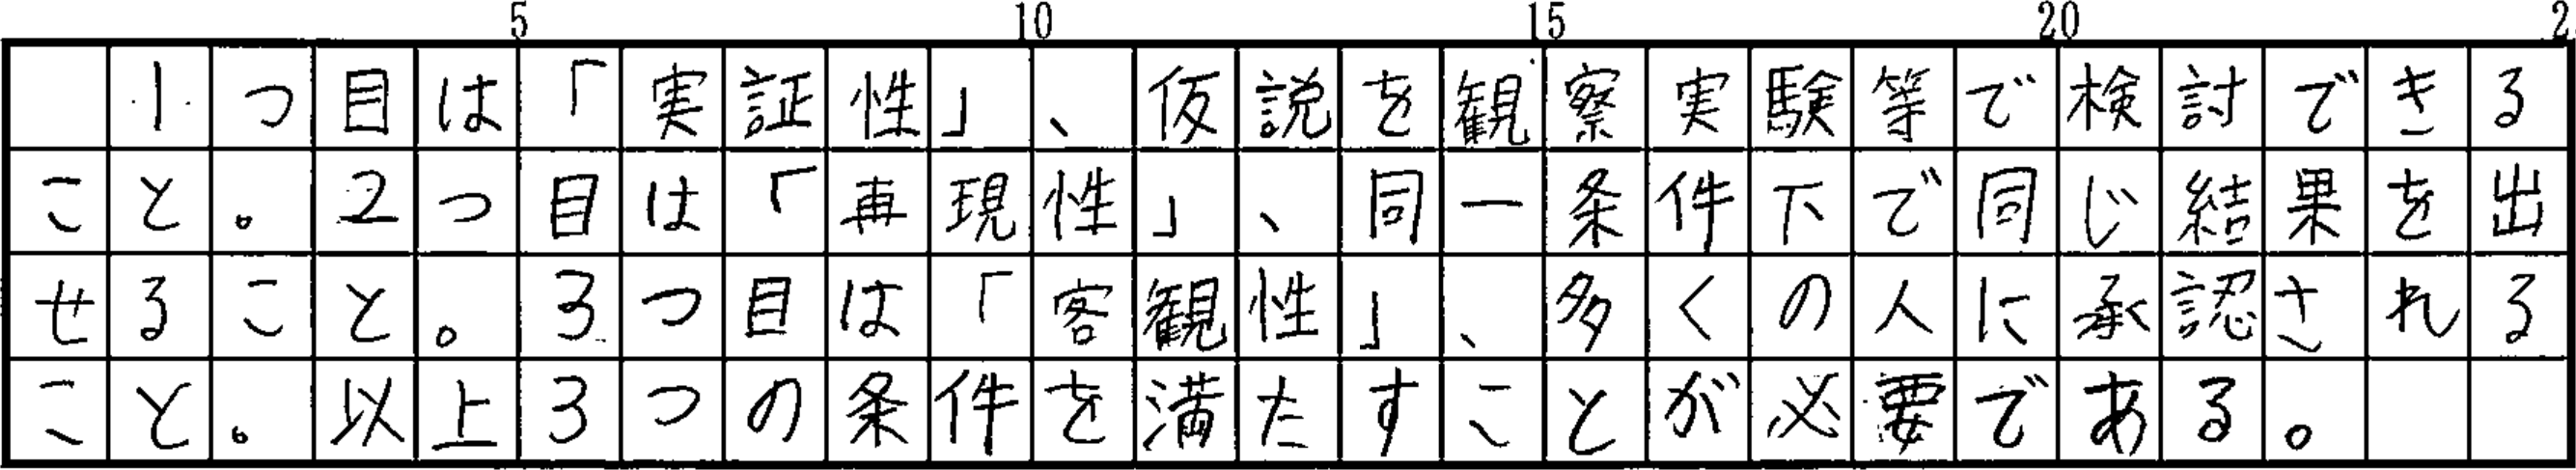　１つ目は「実証性」、仮説を観察実験等で検討できること。２つ目は「再現性」、同一条件下で同じ結果を出せること。３つ目は「客観性」、多くの人に承認されること。以上３つの条件を満たすことが必要である。
